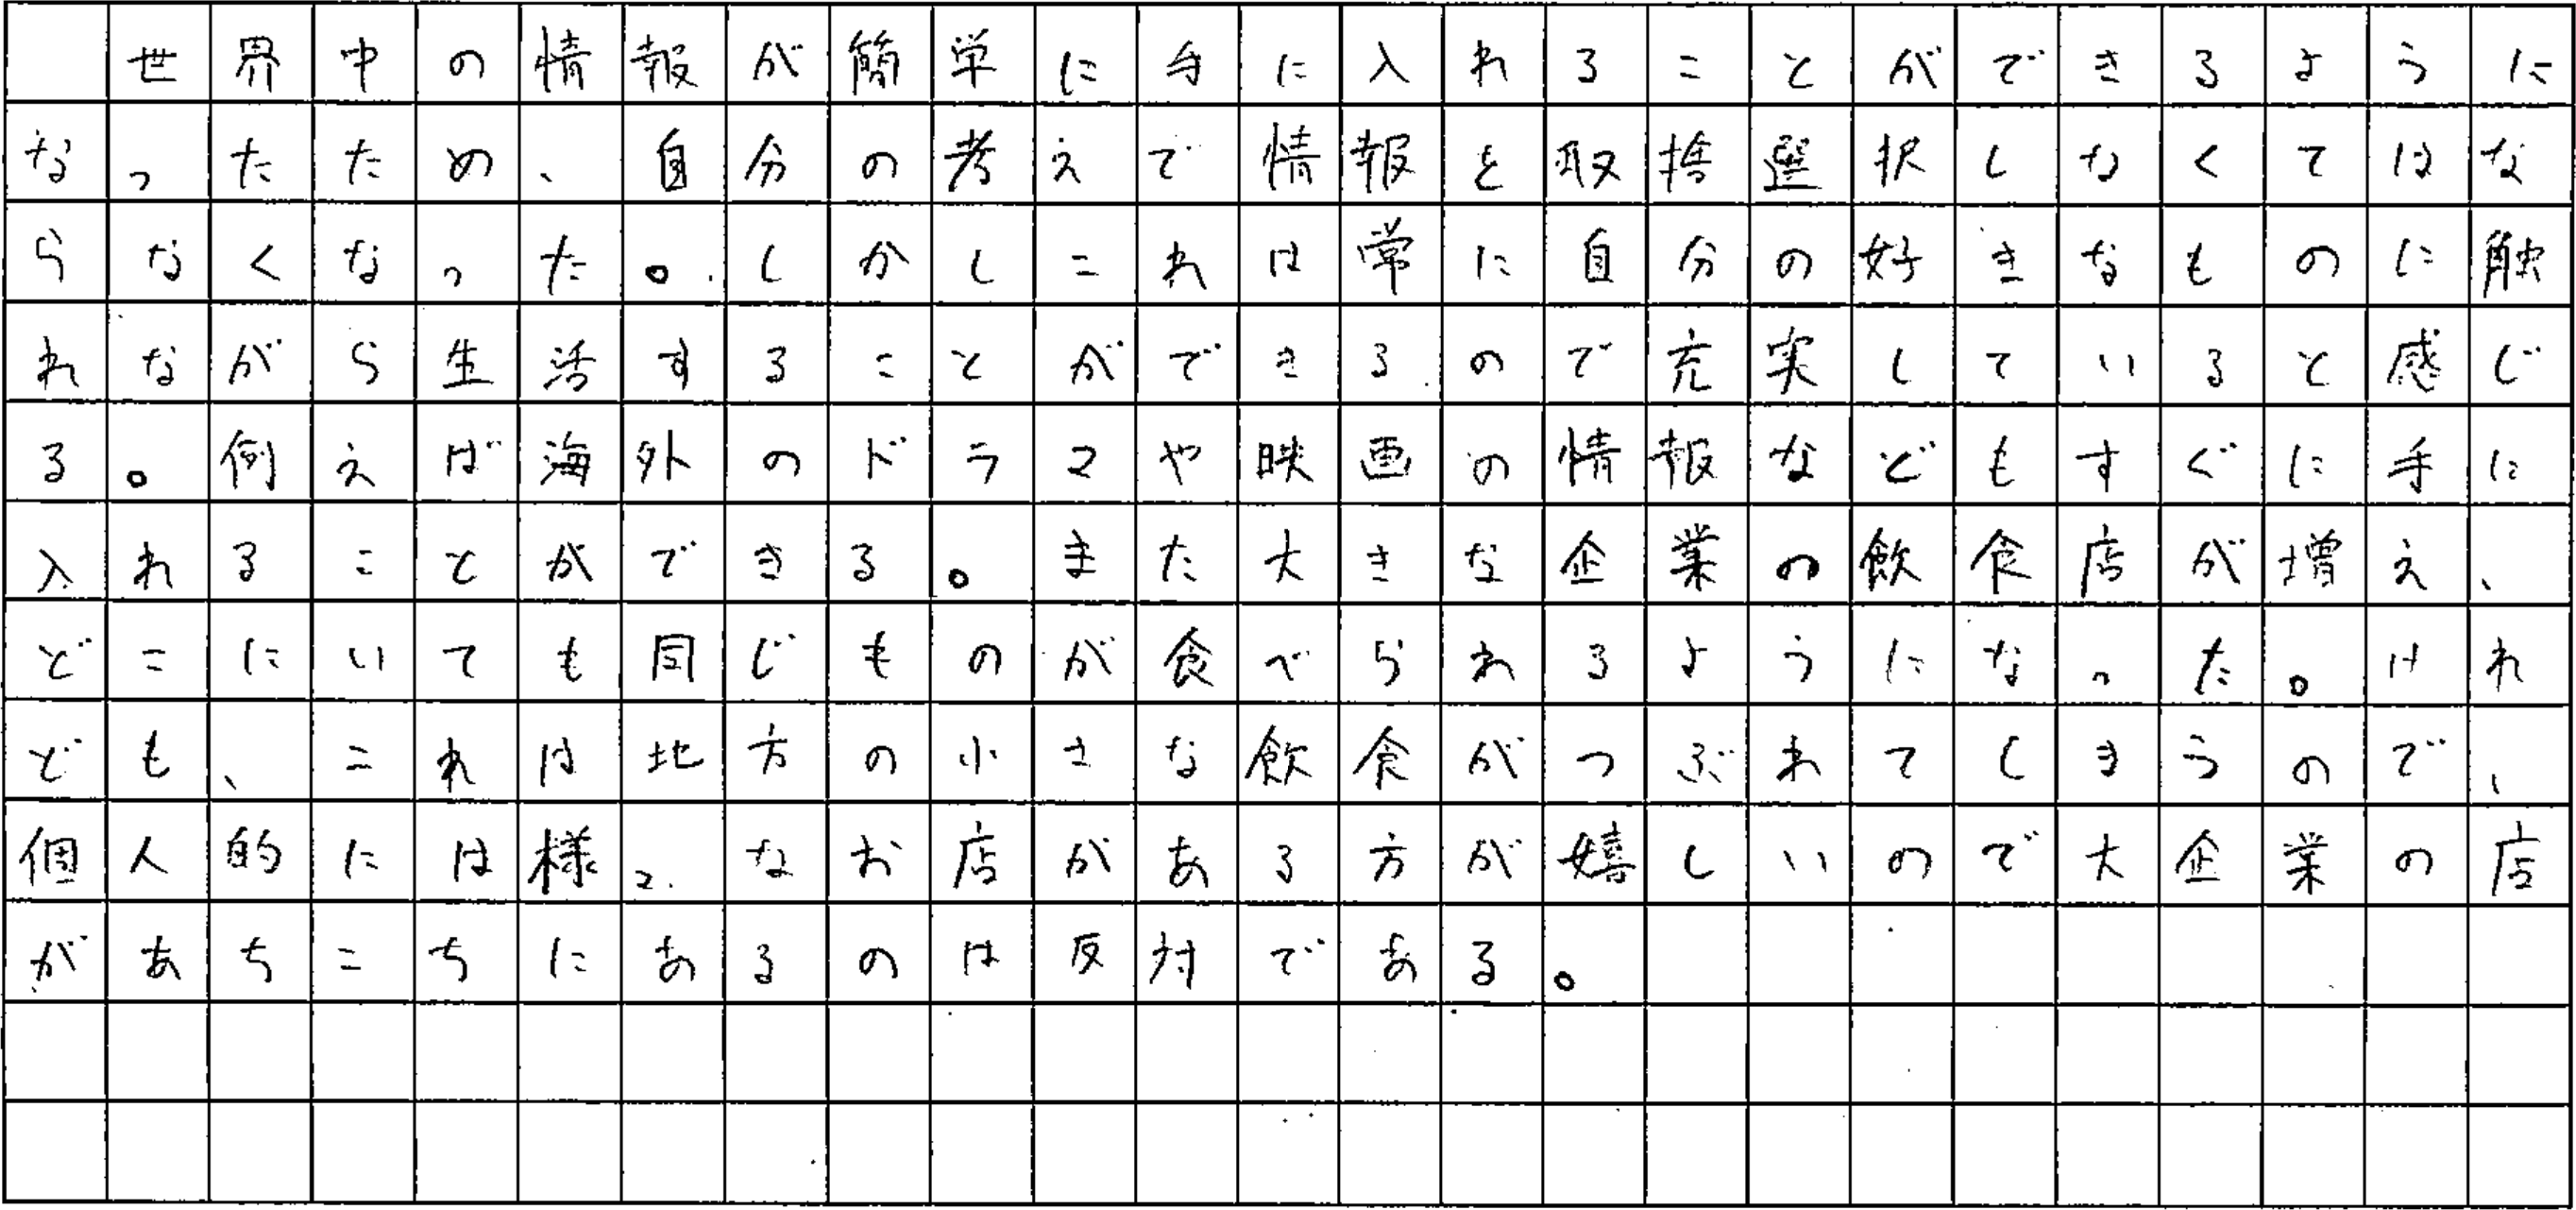　世界中の情報が簡単に手に入れることができるようになったため、自分の考えで情報を取捨選択しなくてはならなくなった。しかしこれは常に自分の好きなものに触れながら生活することができるので充実していると感じる。例えば海外のドラマや映画の情報などもすぐに手に入れることができる。また大きな企業の飲食店が増え、どこにいても同じものが食べられるようになった。けれども、これは地方の小さな飲食がつぶれてしまうので、個人的に様々なお店がある方が嬉しいので大企業の店があちこちにあるのは反対である。
